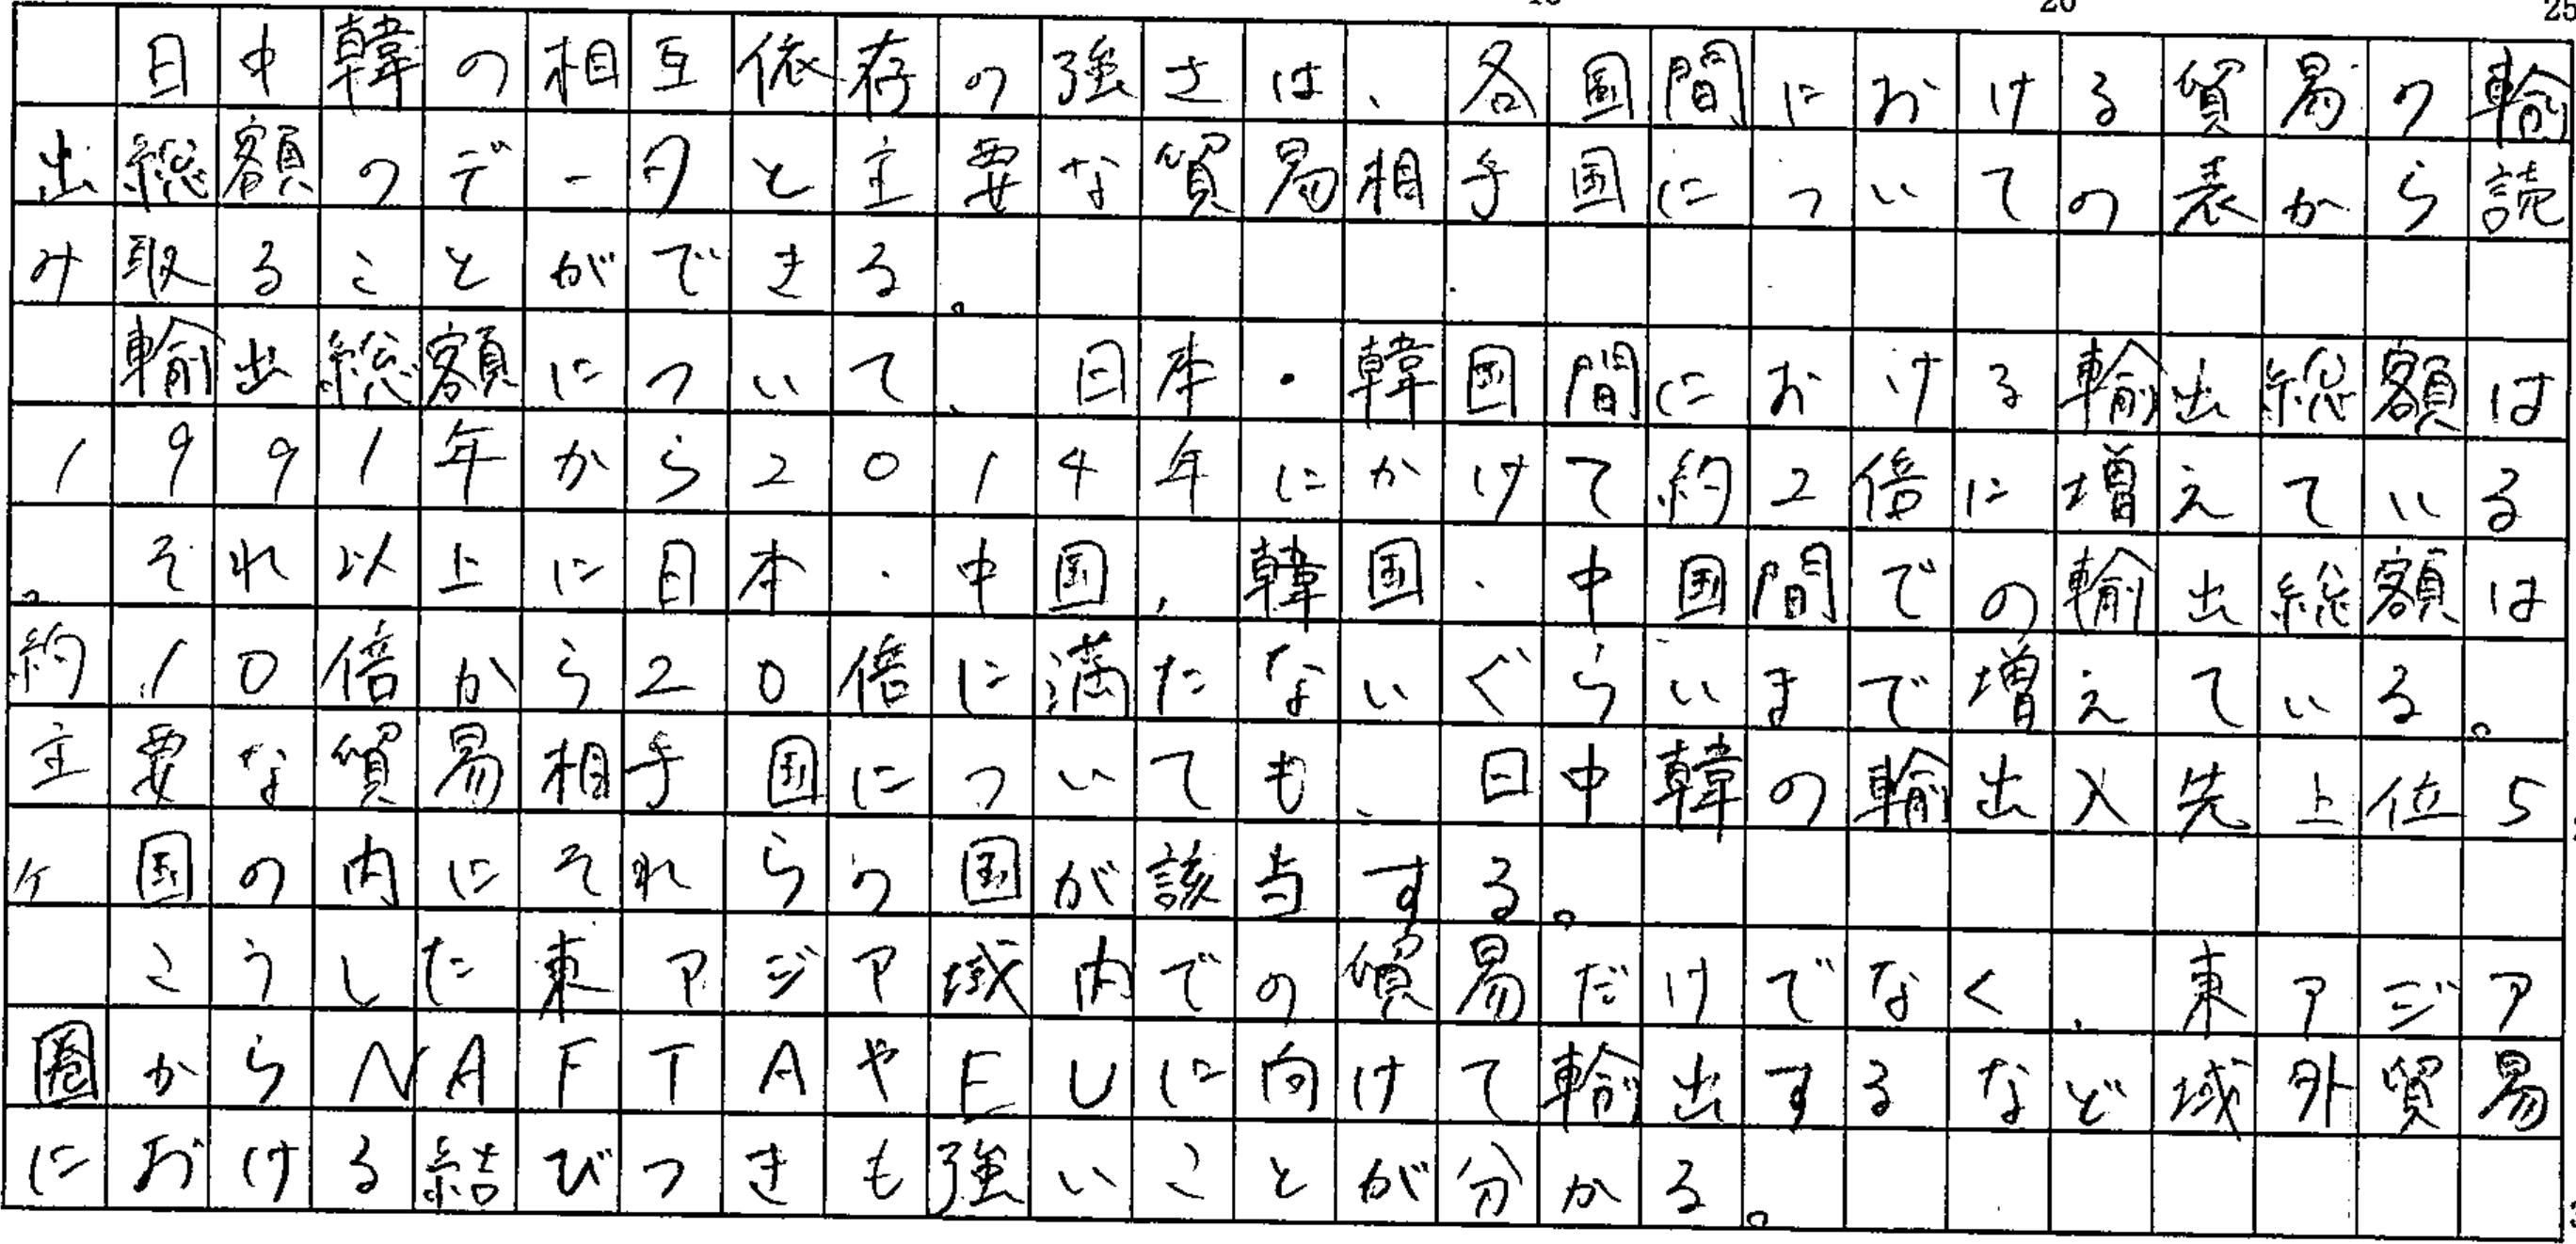　日中韓の相互依存の強さは、各国間における貿易の輸出総額のデータと主要な貿易相手国についての表から読み取ることができる。
　輸出総額について、日本・韓国間における輸出総額は１９９１年から２０１４年にかけて約２倍に増えている。それ以上に日本・中国，韓国・中国間での輸出総額は約１０倍から２０倍に満たないぐらいまで増えている。主要な貿易相手国についても、日中韓の輸出入先上位５ヶ国の内にそれらの国が該当する。
　こうした東アジア域内での貿易だけでなく、東アジア圏からＮＡＦＴＡやＥＵに向けて輸出するなど域外貿易における結びつきも強いことが分かる。
